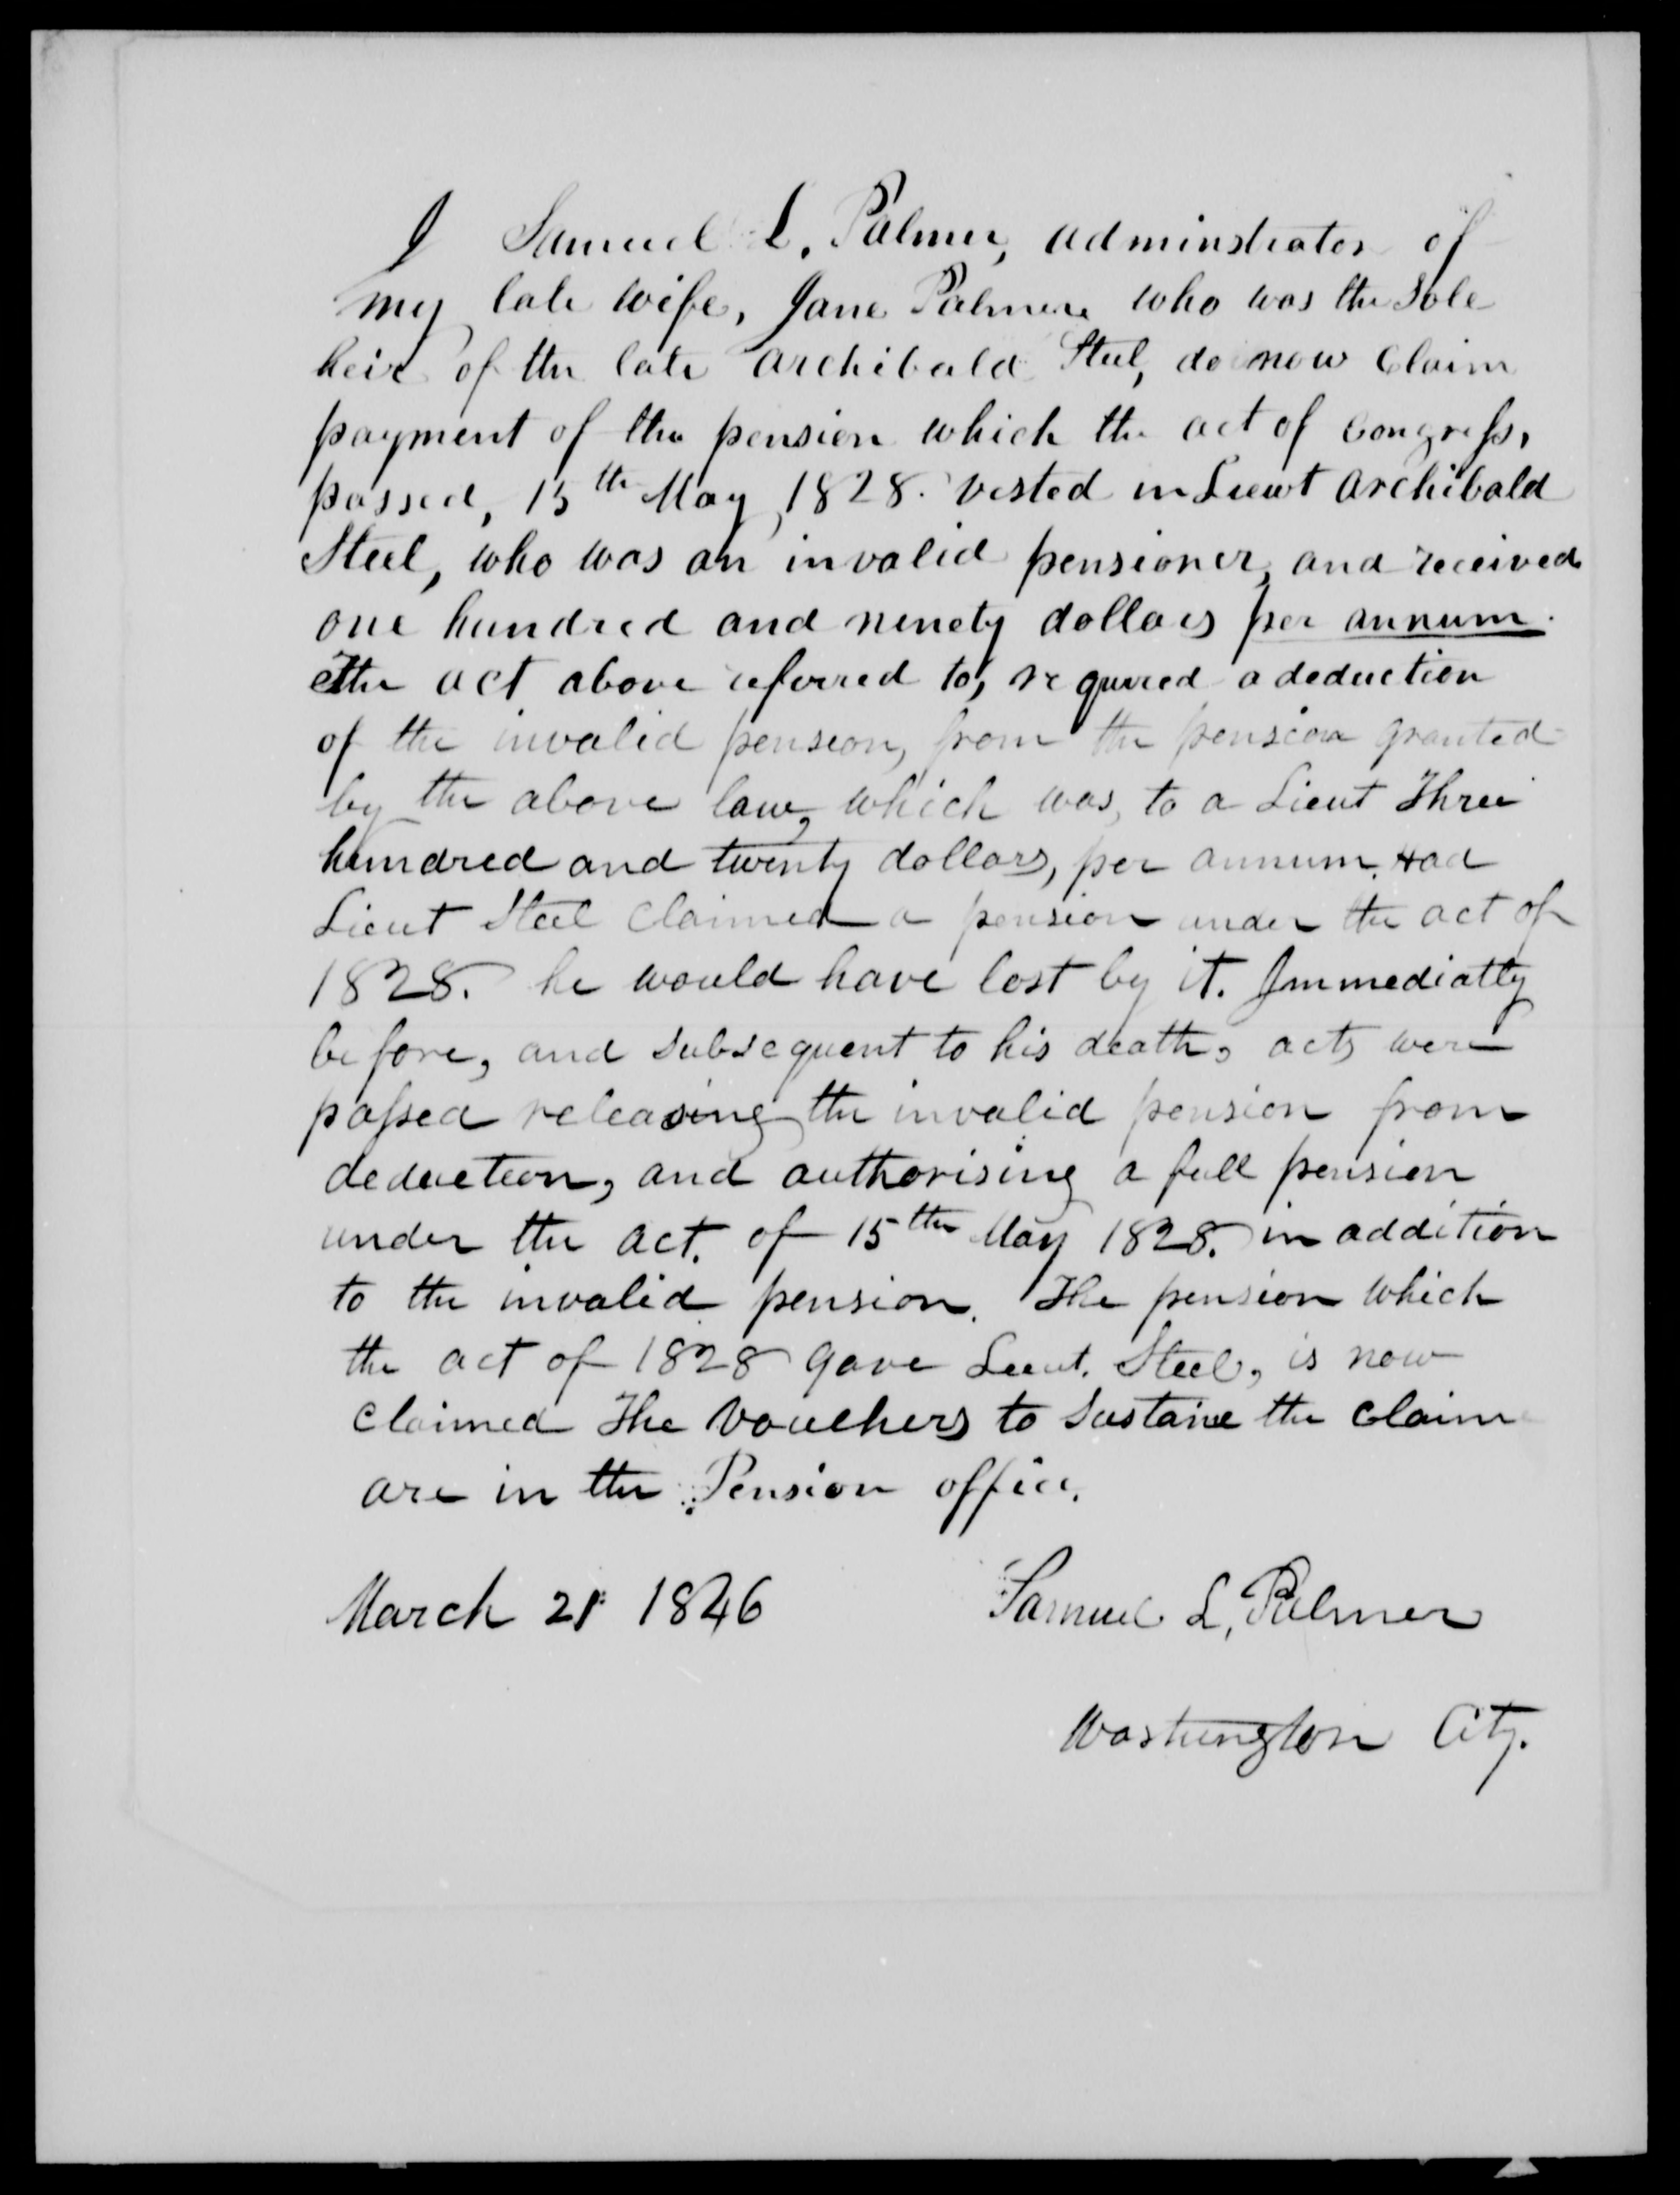I, Samuel L. Palmer, administrator of my late wife, Jane Palmer, who was the sole heir of the late Archibald Steel, do now claim payment of the pension which the act of congress passed, 13th May, 1828. vested in Lieut Archibald Steel, who was an invalid pensioner and received one hundred and ninety dollars per annum. The act above inferred to, required a deduction of the invalid pension from the pension granted by the above law, which was to a Lieut three hundred and twenty dollars, per annum. Had Lieut Steel claimed a pension under the act of 1828. he would have lost by it. Immediately before, and subsequent to his death, acts were passed releasing the invalid pension from deduction, and authorizing a full pension under the act of 15th May 1828. in addition to the invalid pension. The pension which the act of 1828 gave Lieut Steel, is now claimed The vouchers to Sustain the claim are in the Pension Office.

Samuel L. Palmer
March 21 1846
Washington City.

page: 6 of 28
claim: survivor's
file: S. 7601, for Archibald Steel, Pennsylvania